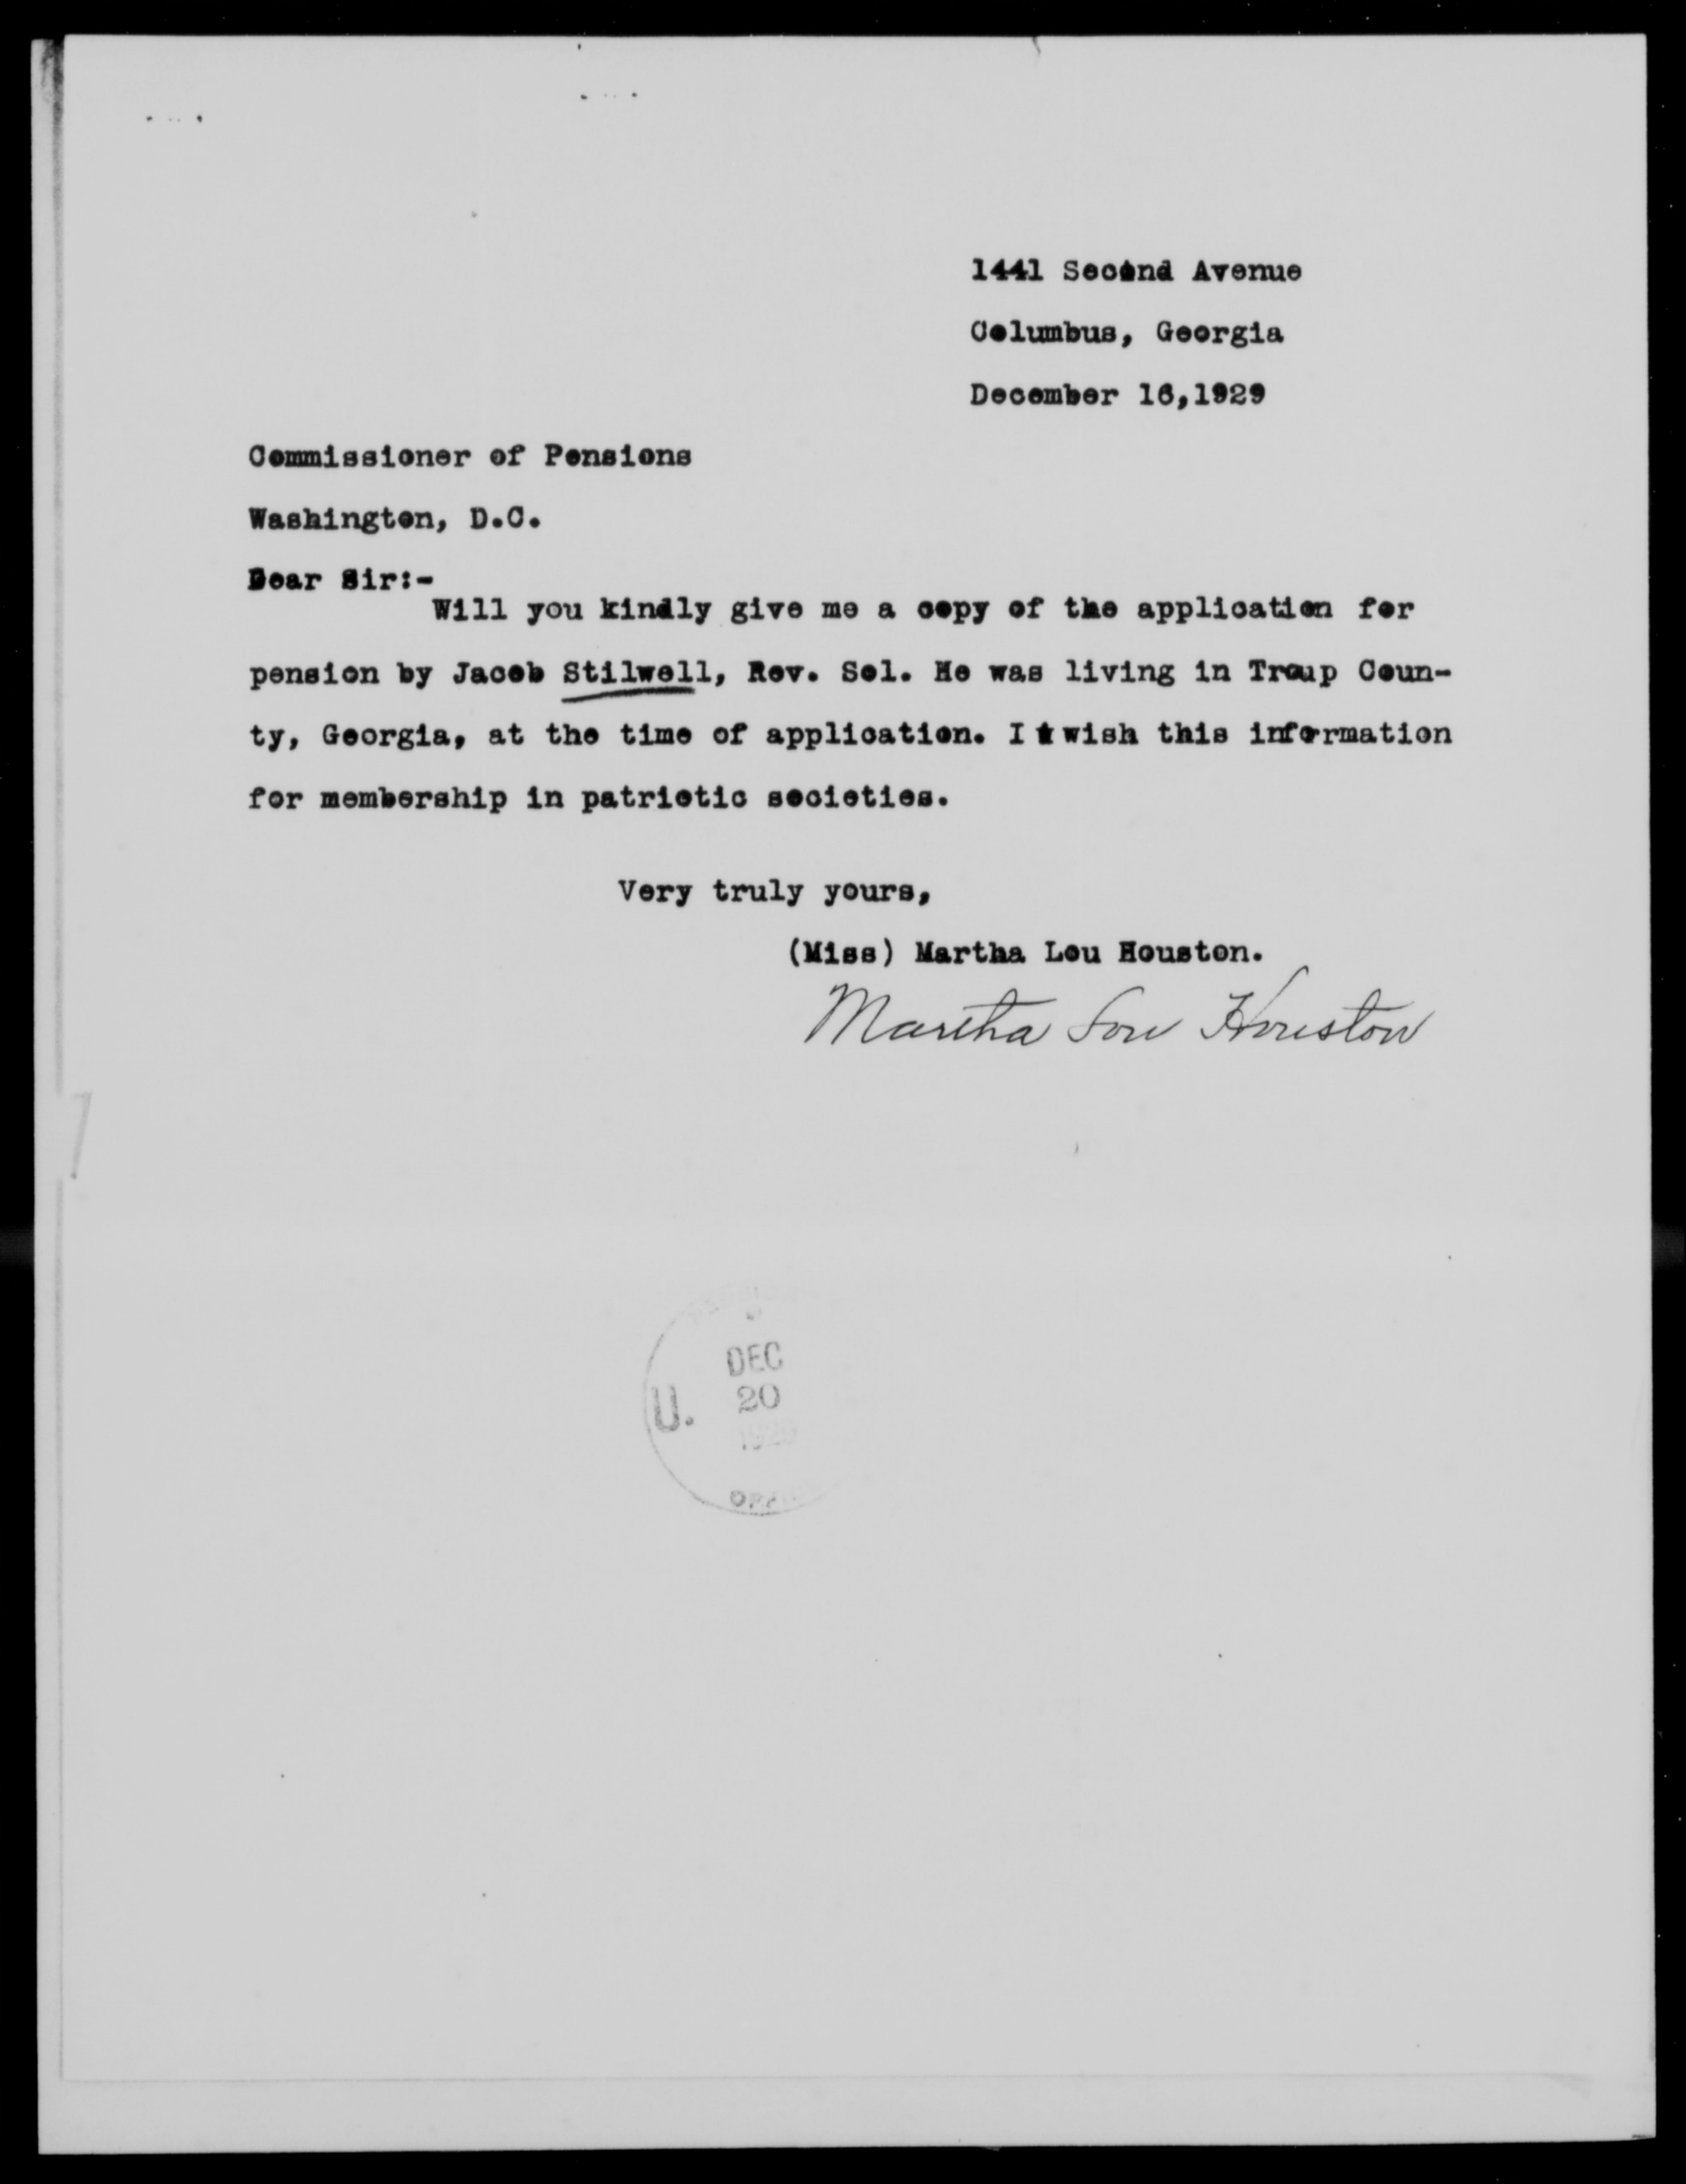1441 Second Avenue
Columbus, Georgia
December 16, 1929
Commissioner of Pensions
Washington, D.C.
Dear Sir:-
Will you kindly give me a copy of the application for pension by Jacob Stilwell, Rev. Sol. He was living in Troup Countty, Georgia, at the time of application. I wish this information
for membership in patriotic societies.

Very truly yours,

( Miss ) Martha Lou Houston.
Martha Lou Houston

U. Dec 20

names: Jacob Stilwell; Martha Lou Houston; Martha Lou Houston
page: 20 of 25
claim: survivor's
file: S. 31,993, for Jacob Stillwell, North Carolina